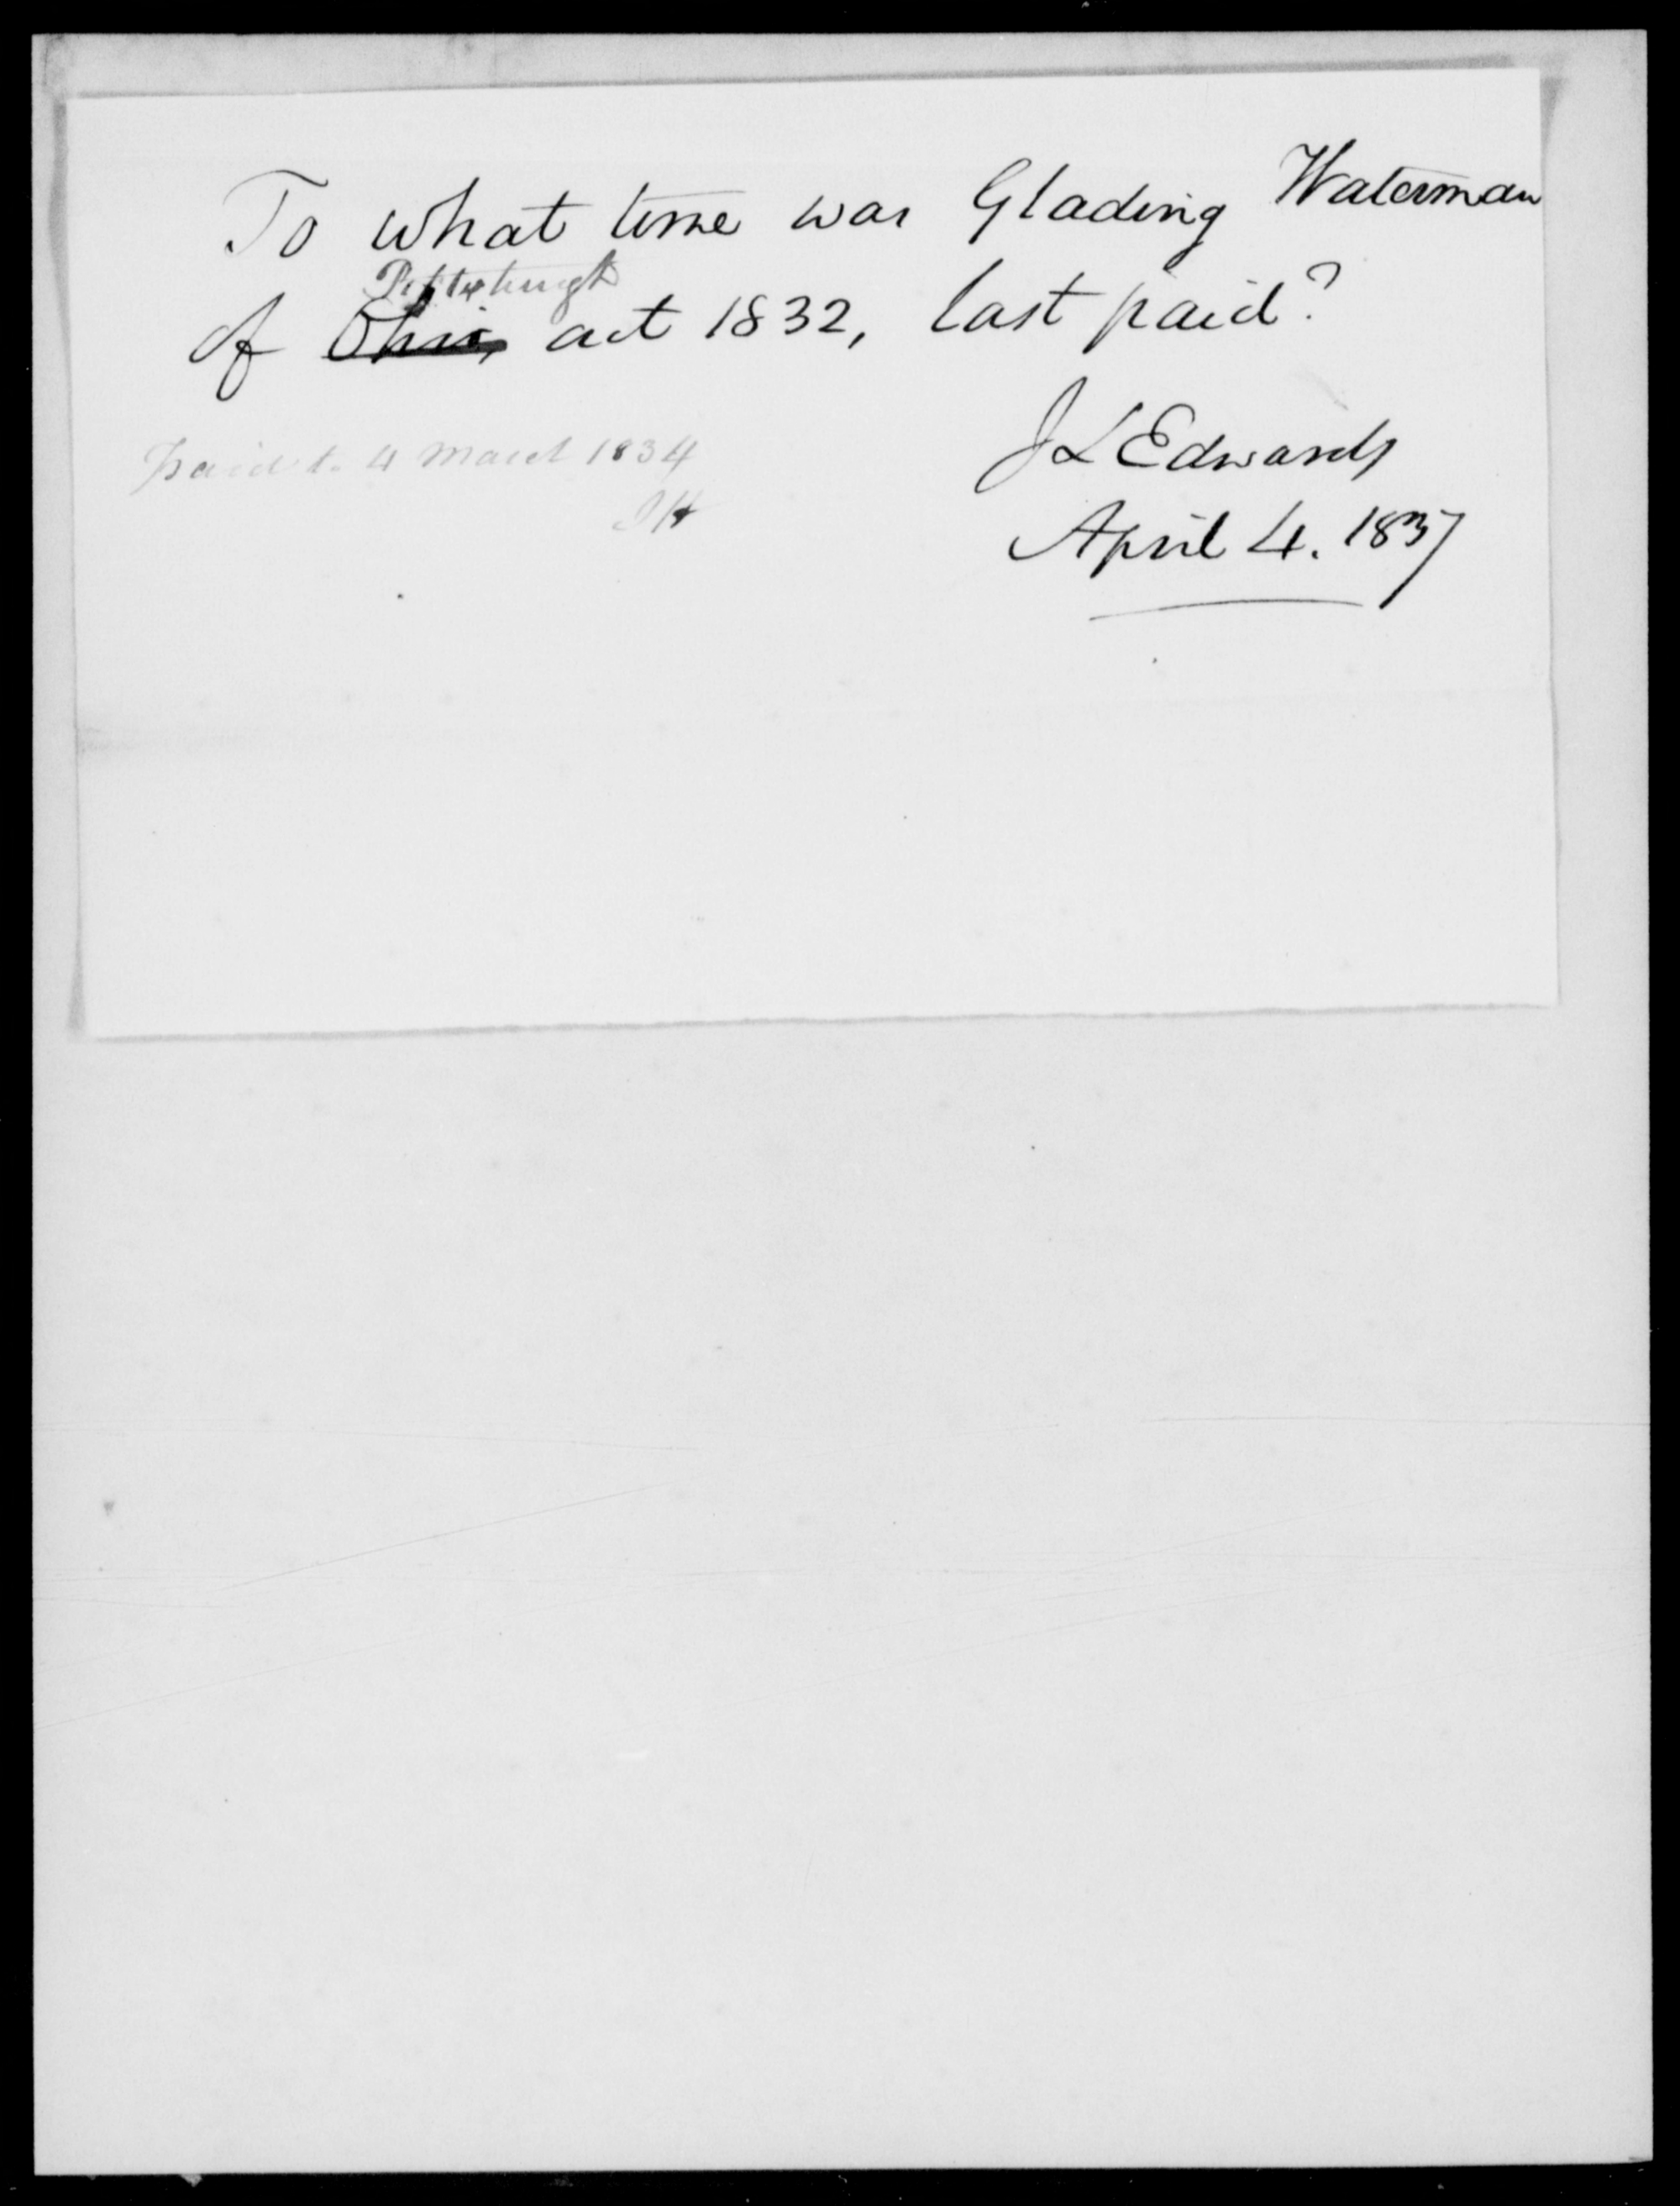To what time was Glading Waterman
of Pittsburgh act 1832, last paid?
JL Edwards
April 4, 1837

Paid to 4 March 1834
J H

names: Glading Waterman, J L Edwards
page: 33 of 50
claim: widow's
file: W. 15814, Glading Waterman, Conn. Conn. Sea Service Continental